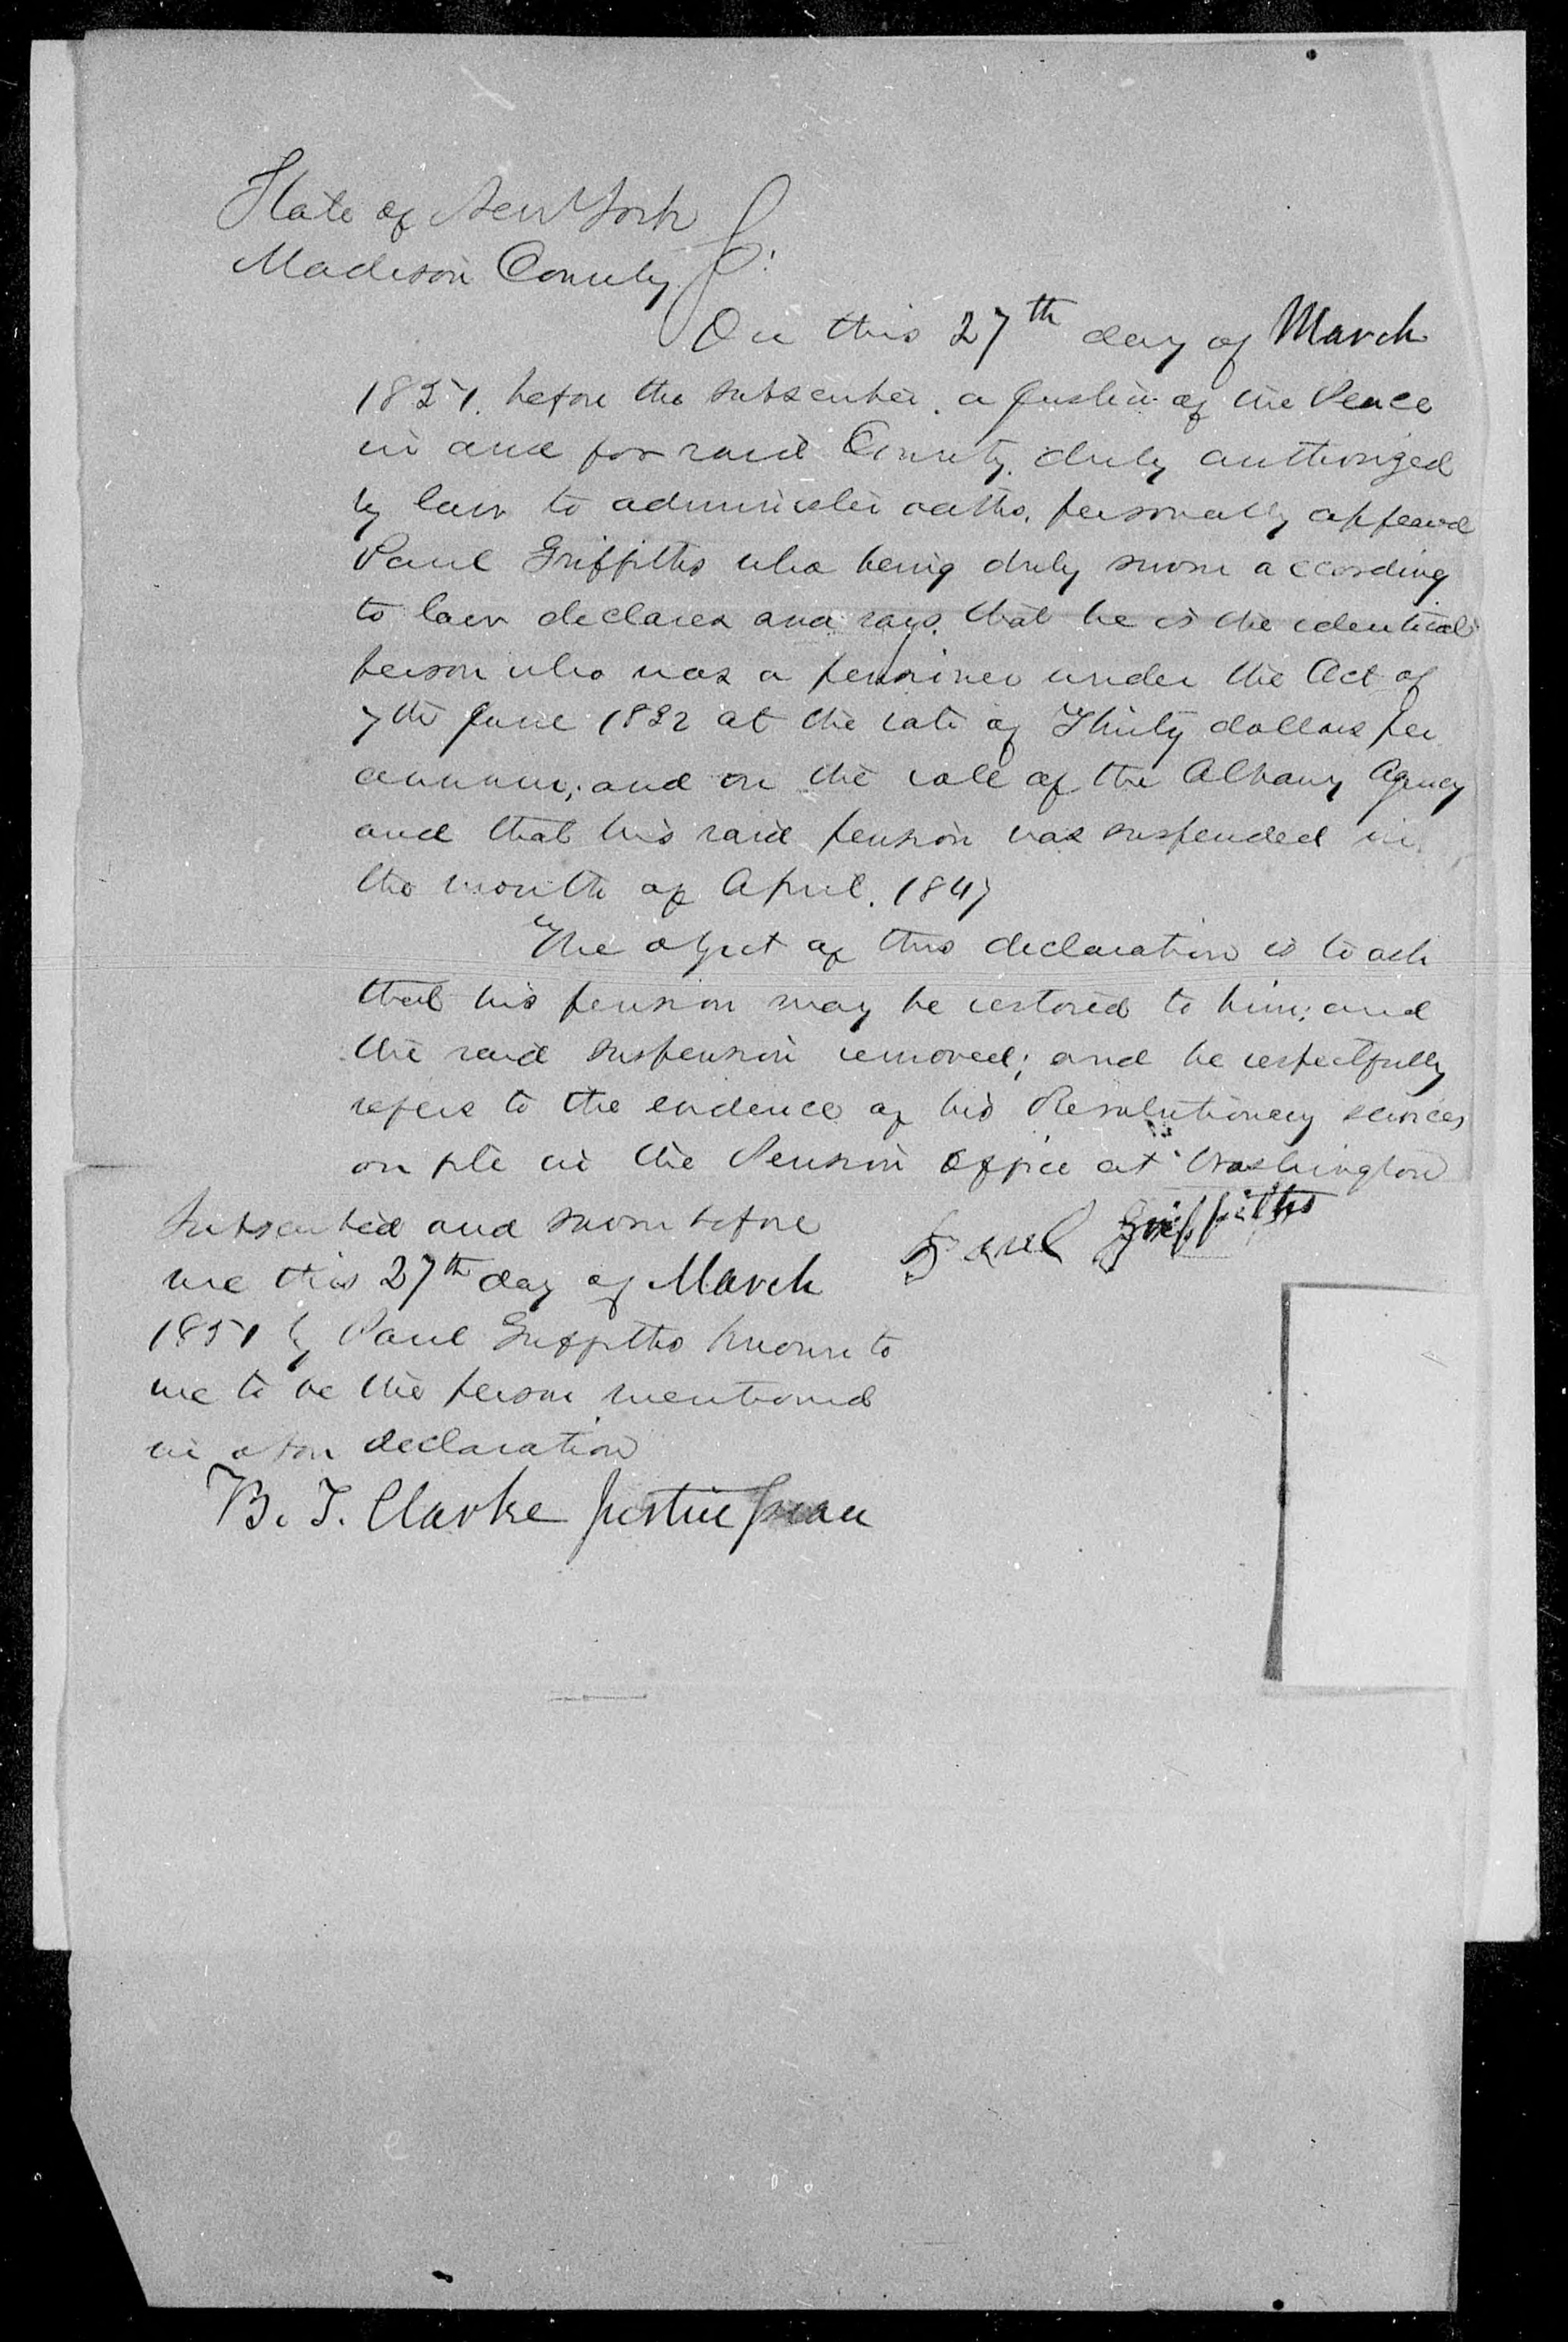State of New York
Madison County Ss:
On this 27th day of March
1851 before the subscriber a Justice of the Peace
in and for said County duly authorized
by law to administer oaths, personally appeared
Paul Griffiths who being duly sworn according to
law declared and says that he is the identical
person who was a pensioner under the act of
7th June 1822 at the rate of Thirty dollars per
able, and on the roll of the Albany Agency
and that his said pension was suspended in
the month of April 1847.
The object of this declaration is to ask
that his pension may be restored to him, and
the said suspension removed, and he respectfully
refers to the evidence of his Revolutionary services
on file in the Pension Office at Washington.
Paul Griffiths
Subscribed and sworn before
me this 27th day of March
1851 by Paul Griffiths known to
me to be the person mentioned
in [illegible] declaration
B. T. Clarke Justice Peace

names: Paul Griffiths, Paul Griffiths, B T Clarke, Paul Griffiths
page: 41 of 61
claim: survivor's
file: S. 22798, Paul Griffiths, R.I.